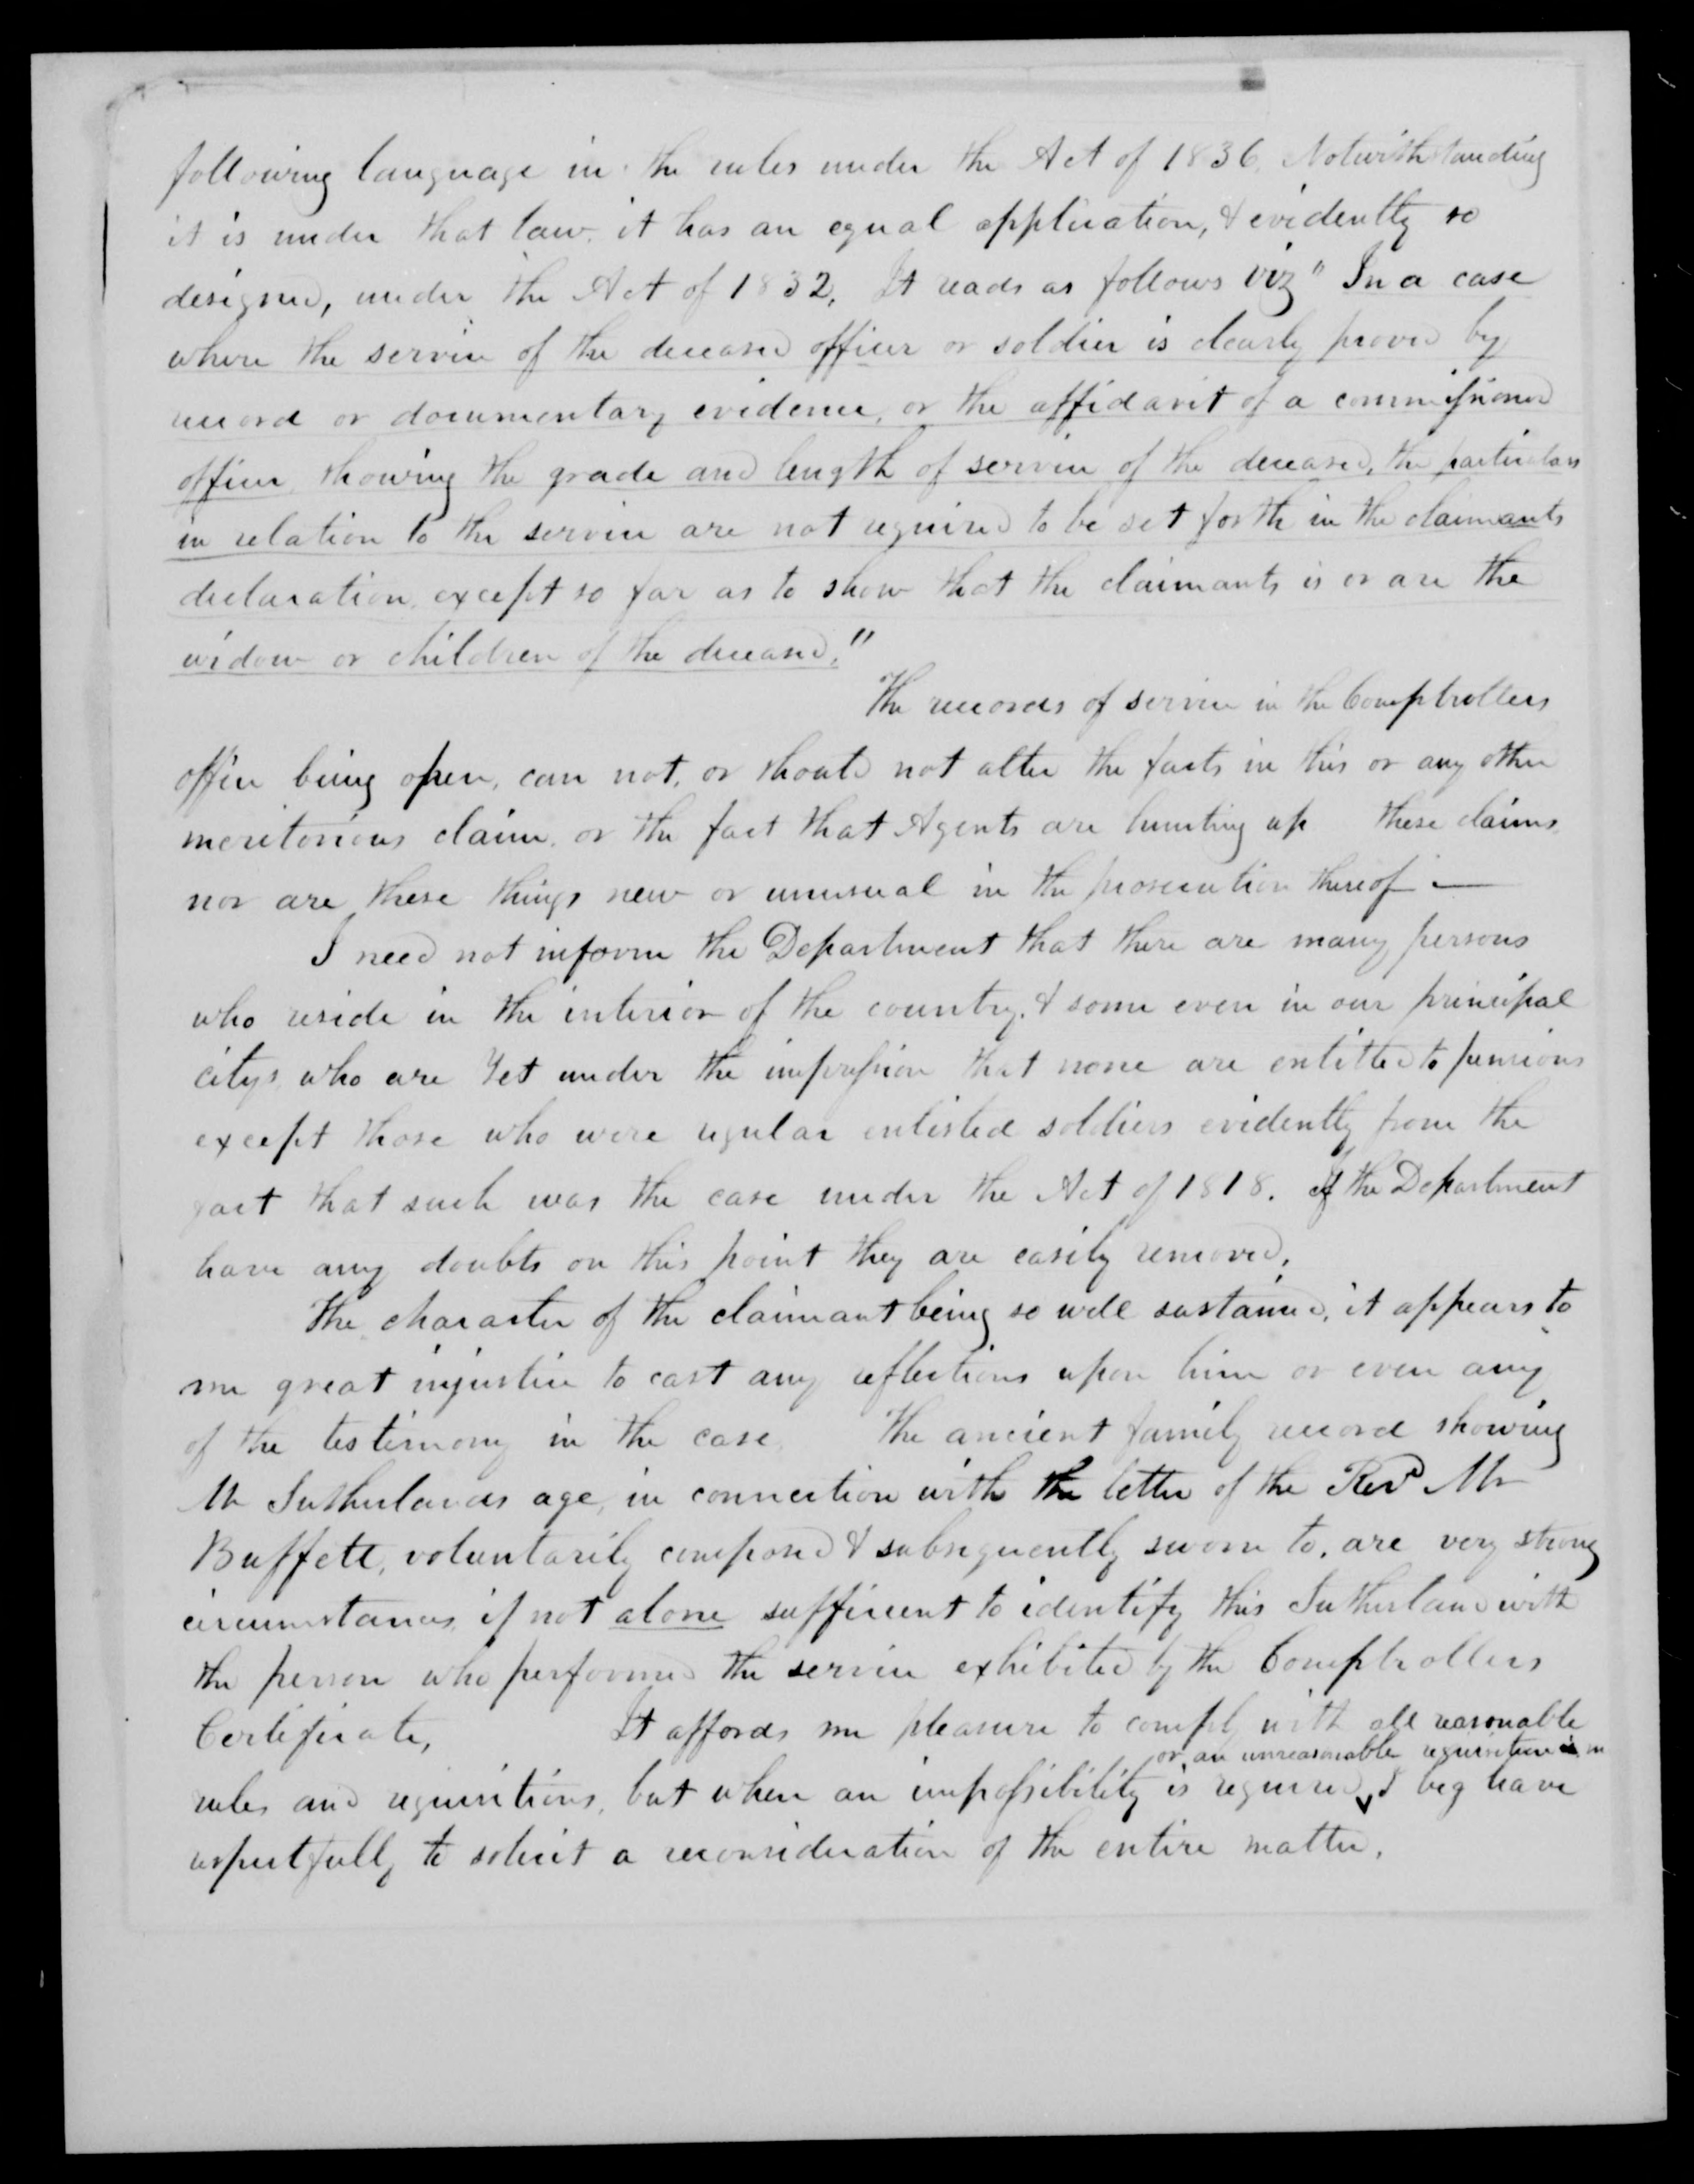following language in the rules under the Act of 1836. Notwithstanding it is under that law it has an equal application & evidently so designed, under the Act of 1832. It reads as follows viz "In a case where the service of the deceased officer or soldier is clearly proved by word or documentary evidence, or the affidavit of a commissioned officer showing the grade and length of service of the deceased, the particulars in relation to the service are not required to be set forth in the claimants declaration except so far as to show that the claimant is or are the widow or children of the deceased."
The records of service in the Comptrollers office being open, can not, or should not alter the facts in his or any other meritorious claim, or the fact that Agents are hunting up these claims nor are these things new or unusual in the prosecution thereof.
I need not inform the Department that there are many persons who reside in the interior of the country & some even in our principal cities who are yet under the impression that none are entitled to pensions except those who were regular enlisted soldiers evidently from the fact that such was the case under the Act of 1818  of the Department have any doubts on this point they are easily removed.
The character of the claimant being so well sustained, it appears to me great injustice to cast any aflections upon him or even any of the testimony in the case. The ancient family record showing Mr Sutherlands age, in connection with the letter of the Revd. Mr. Buffett, voluntarily composed & subsequently sworn to, are very strong circumstances, if not alone sufficient to identify this Sutherland with the person who performed the service exhibited by the Comptrollers Certificate. It affords me pleasure to comply with all reasonable rules and req;uisitions, but when an impossibility is required or an unreasonable requisition in I beg leave respectfully to solicit a reconsideration of the entire matter.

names: [BLANK] Sutherlands; [BLANK] Sutherland; [BLANK] Buffett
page: 43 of 77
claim: survivor's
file: S. 23003, for Silas Southerland, New York